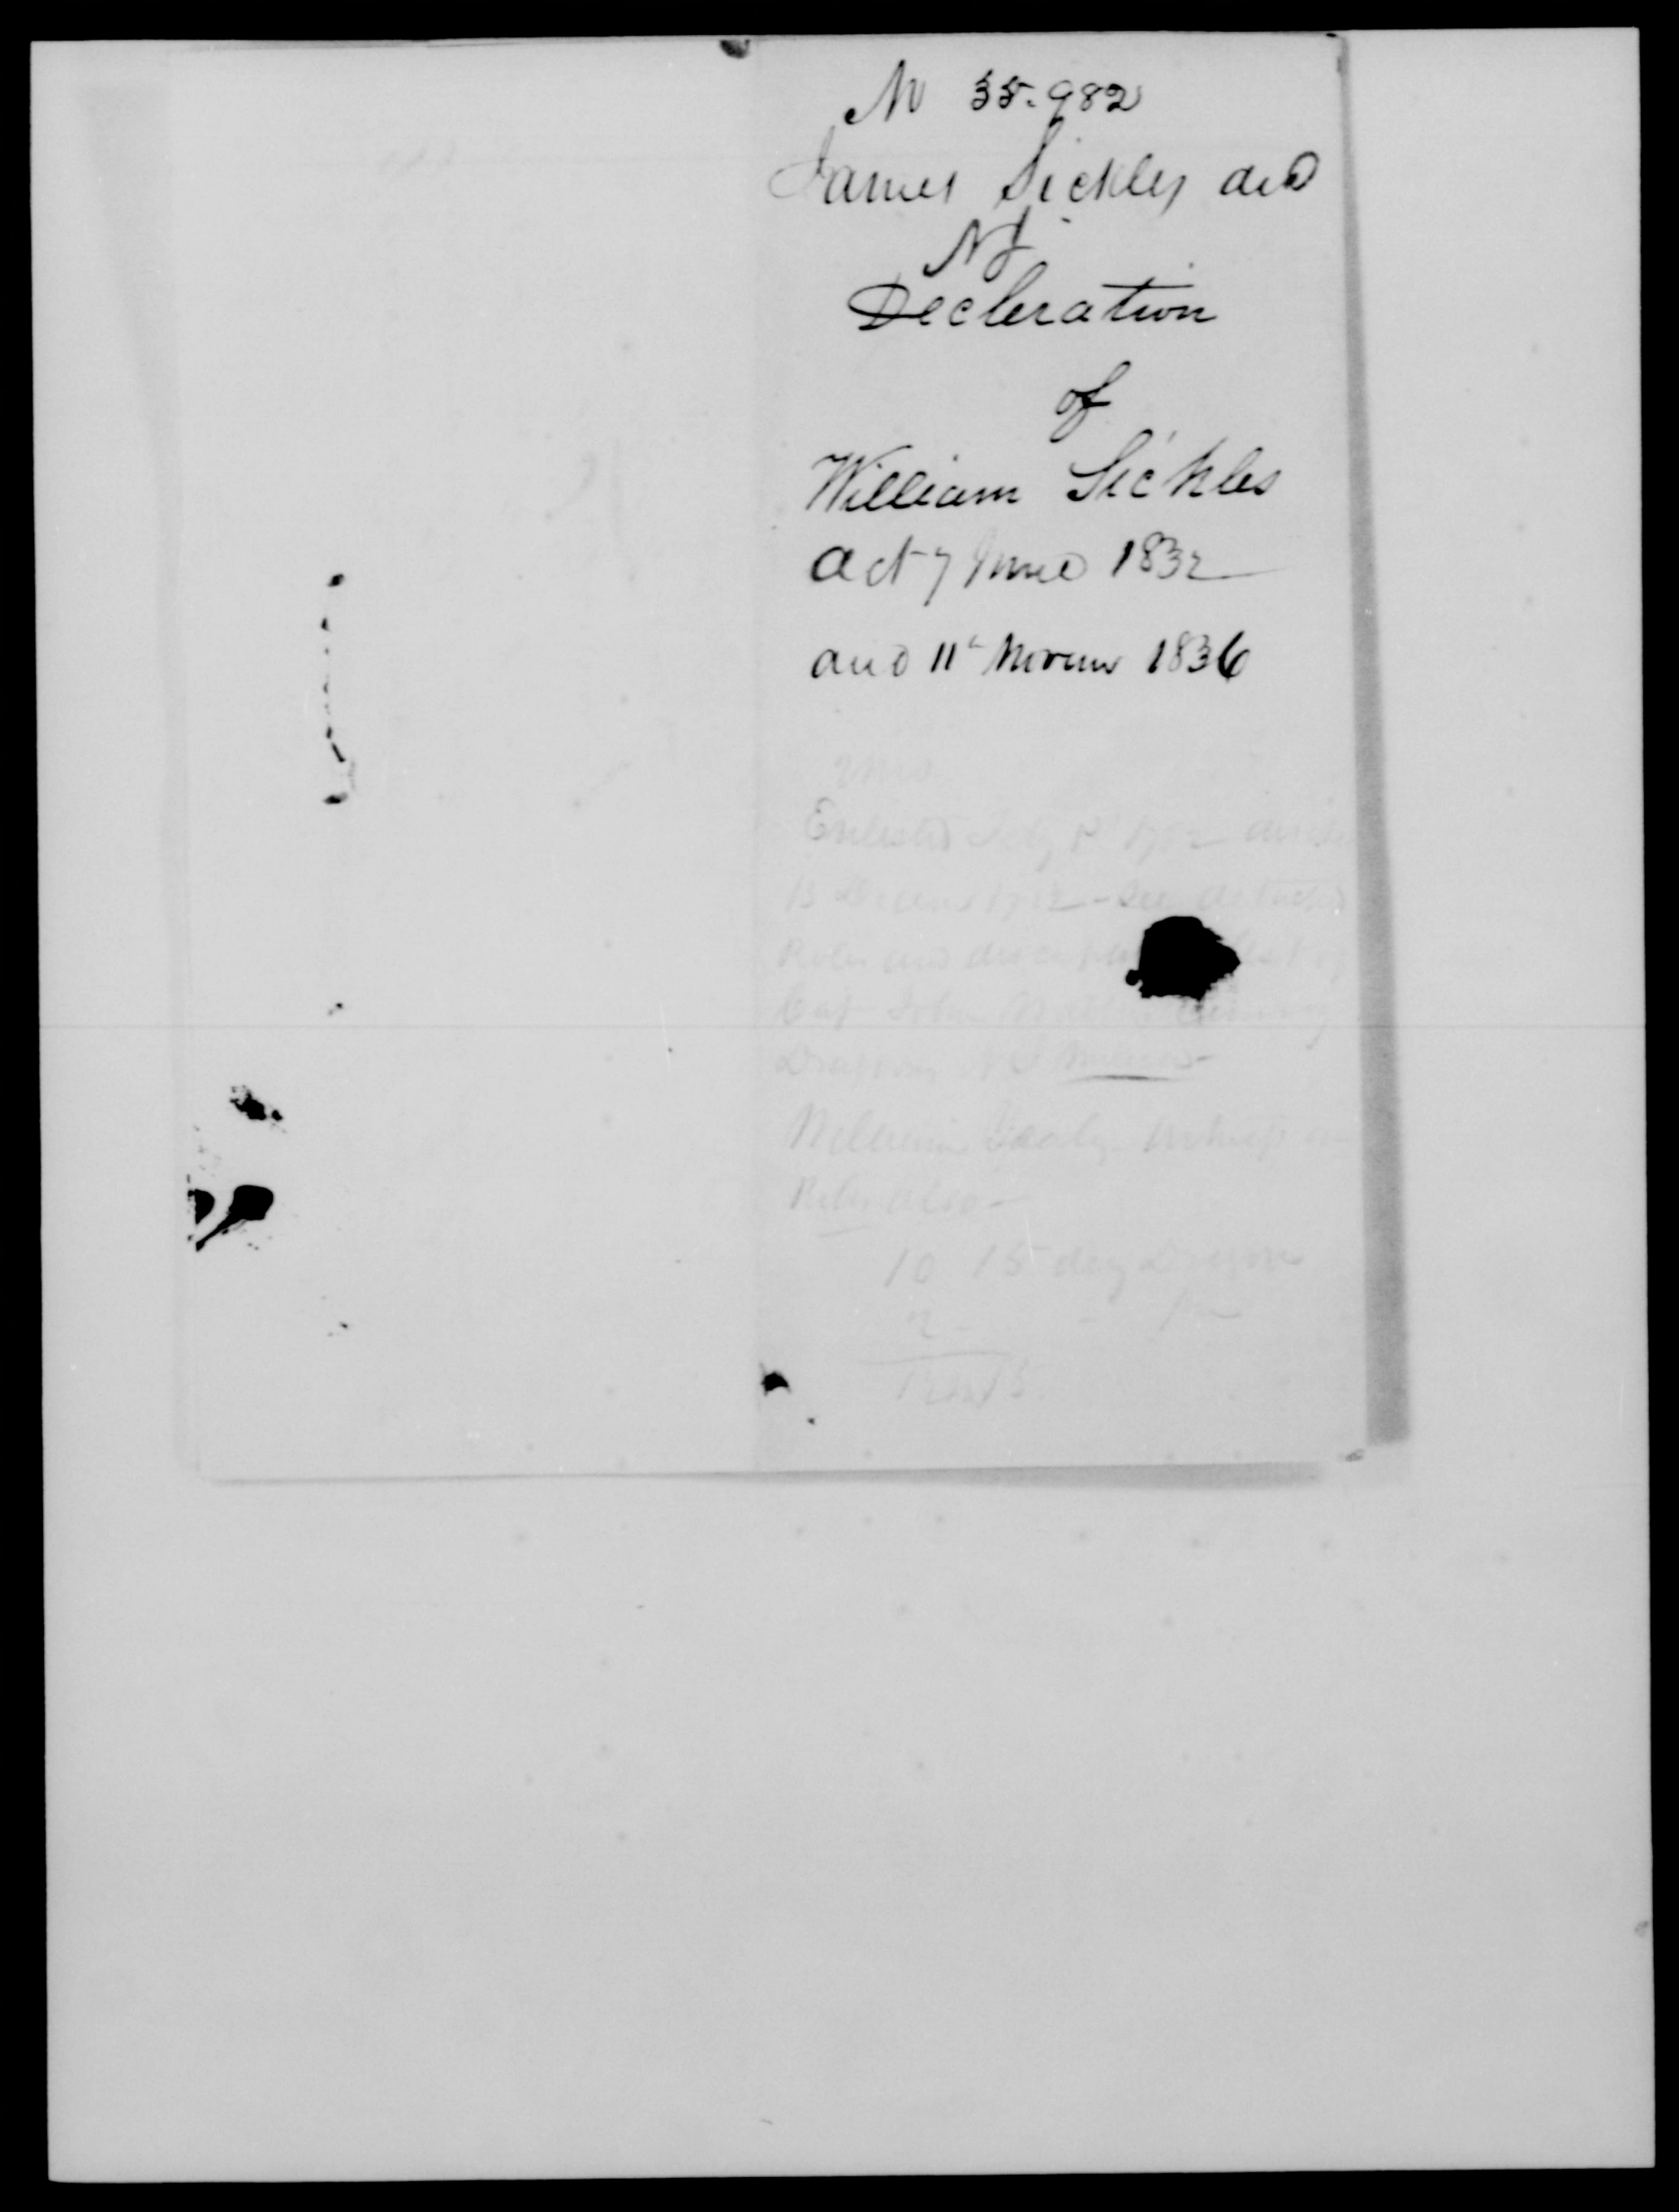No 35,982
James Sickles decd
NJ
Declaration
of 
William Sickles
Act 7 June 1832
and 11th Novem 1836
[Illegible]
Enlisted July 1st 1782 [illegible]
15 Decem 17[illegible] See attached
Rol[illegible] and dis[illegible] of
Cap John [Illegible] 
Draf[illegible] NJ Militia
William [Illegible] Witness [illegible]
Peter aslo
10 15 day Dragoon
2 [illegible]
12 days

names: James Sickles; William Sickles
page: 3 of 33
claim: survivor's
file: S. 4,841, for James Sickles, New Jersey